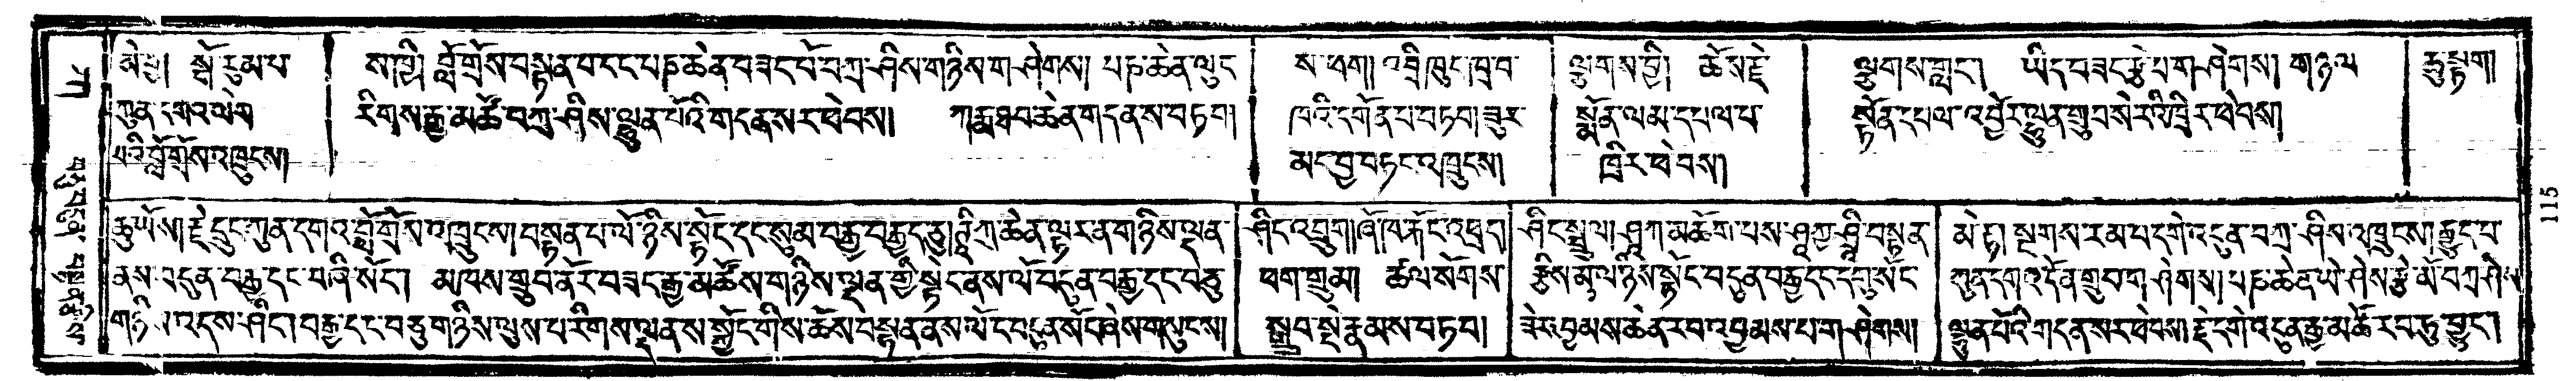མེ་བྱ། སྒོ་རུམ་པ། ས་ཁྱི། བློ་གྲོས་བསྟན་པ་དང་པཎ་ཆེན་བཟང་པོ་བཀྲ་ཤིས་གཉིས་གཤེགས། པཎ་ཆེན་ལུང་ས་ཕག། འབྲི་ཁུང་ཁྲ་བ་ལྕགས་བྱི། ཆོས་རྗེ། ལྕགས་གླང་། ཡིད་བཟང་རྩེ་བ་གཤེགས། གཉལ་ཆུ་སྟག།
ཀུན་དགའ་ལེག་རིགས་རྒྱ་མཚོ་བཀྲ་ཤིས་ལྷུན་པོའི་གདན་སར་ཕེབས། ཀརྨ་ཐབ་ཆེན་གདན་ས་བཏབ། ཁའི་དགོན་པ་བཏབ། ཟུར་སྨོན་ལམ་དཔལ་པ་སྟོན་དཔལ་འབྱོར་ལྷུན་གྲུབ་སེ་རའི་ཁྲིར་ཕེབས།
པའི་བློ་གྲོས་འཁྲུངས། མང་བྱ་བཏང་འཁྲུངས། ཁྲིར་ཕེབས།
ཆུ་ཡོས། རྗེ་དྲུང་ཀུན་དགའ་བློ་གྲོས་འཁྲུངས། བསྟན་པ་ལོ་ཉིས་སྟོང་དང་སུམ་བརྒྱ་བརྒྱད་ཅུ། ཊཱིཀ་ཆེན་ལྟར་ན་གཉིས་ལྡན་ཤིང་འབྲུག །ཞོ་ཁ་རྐོང་འཕྲད། ཤིང་སྤྲུལ། ཤཱ་ཀ་མཆོག་པས་ཤཱཀྱ་ཤྲཱི་བསྟན་མེ་རྟ། སྔགས་རམ་པ་དགེ་འདུན་བཀྲ་ཤིས་འཁྲུངས། རྒྱུད་པ་
ནས་བདུན་བརྒྱ་དང་བཞི་སོང་། མཁས་གྲུབ་ནོར་བཟང་རྒྱ་མཚོས་གཉིས་ལྡན་གྱི་སྟེང་ནས་ལོ་བདུན་བརྒྱ་དང་བཅུ་ཕག་གྲུམ། ཚལ་སོགས་རྩིས་མུ་ལ་ཉིས་སྟོང་བདུན་བརྒྱ་དང་དགུ་སོང་ཀུན་དགའ་དོན་གྲུབ་གཤེགས། པཎ་ཆེན་ཡེ་ཤེས་རྩེ་མོ་བཀྲ་ཤེས་
གཉིས་འདས་ཤིང་། བརྒྱ་དང་བཅུ་གཉིས་ལུས་པ་རིགས་ལྡན་ས་སྐྱོང་གིས་ཆོས་བསྟན་ནས་ལོང་བདུན?་སོང་ཞེས་གསུངས། སྒྲུབ་སྡེ་རྣམས་བཏབ། ཟེར། བྱམས་ཆེན་རབ་འབྱམས་པ་གཤེགས། ལྷུན་པོའི་གདན་སར་ཕེབས། རྗེ་དགེ་འདུན་རྒྱ་མཚོ་རབ་ཏུ་བྱུང་།